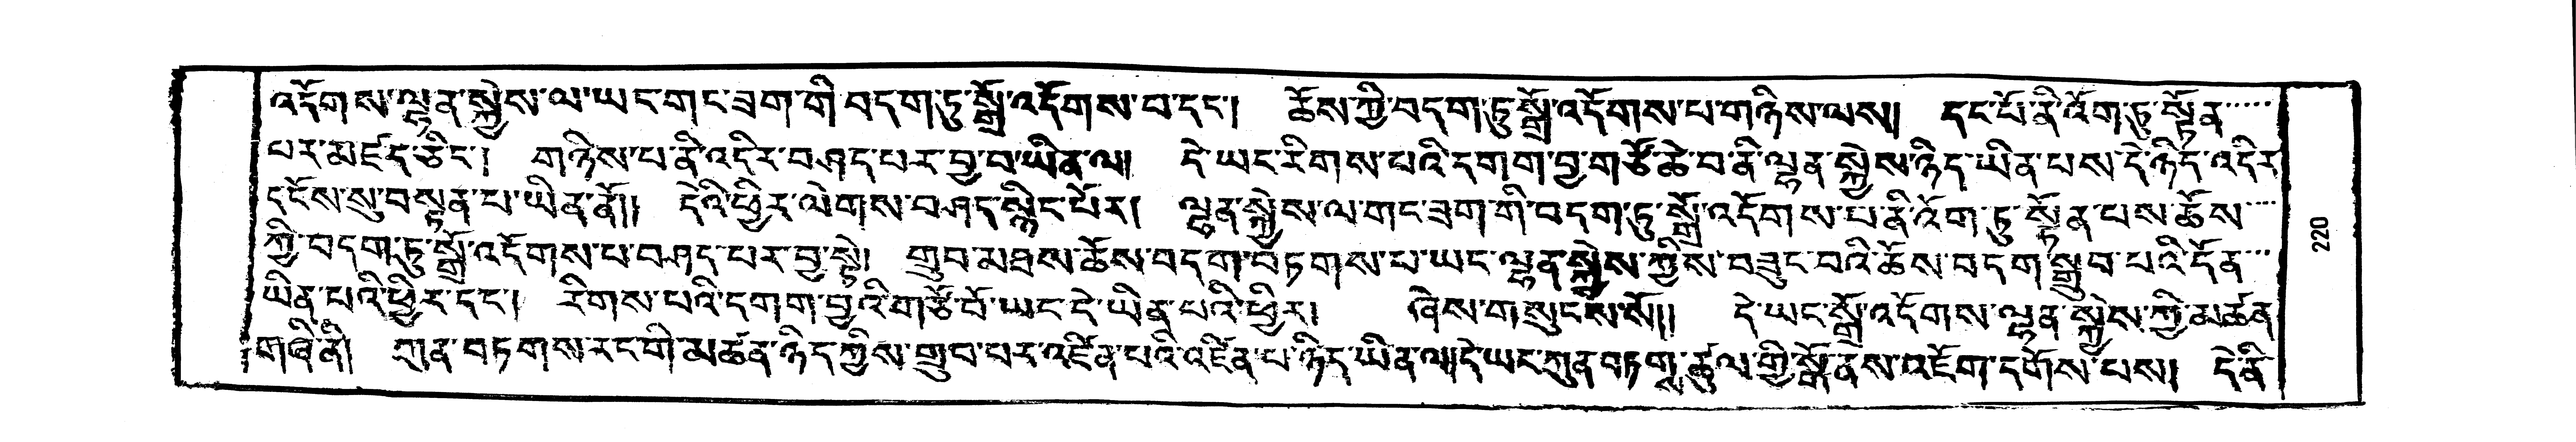འདོགས་ལྷན་སྐྱེས་ལ་ཡང་གང་ཟག་གི་བདག་ཏུ་སྒྲོ་འདོགས་པ་དང་། ཆོས་ཀྱི་བདག་ཏུ་སྒྲོ་འདོགས་པ་གཉིས་ལས། དང་པོ་ནི་འོག་ཏུ་སྟོན་
པར་མཛད་ཅིང་། གཉིས་པ་ནི་འདིར་བཤད་པར་བྱ་བ་ཡིན་ལ། དེ་ཡང་རིགས་པའི་དགག་བྱ་གཙོ་ཆེ་བ་ནི་ལྷན་སྐྱེས་ཉིད་ཡིན་པས་དེ་ཉིད་འདིར་
དངོས་སུ་བསྟན་པ་ཡིན་ནོ། །དེའི་ཕྱིར་ལེགས་བཤད་སྙིང་པོར། ལྷན་སྐྱེས་ལ་གང་ཟག་གི་བདག་ཏུ་སྒྲོ་འདོགས་པ་ནི་འོག་ཏུ་སྟོན་པས་ཆོས་
ཀྱི་བདག་ཏུ་སྒྲོ་འདོགས་པ་བཤད་པར་བྱ་སྟེ། གྲུབ་མཐས་ཆོས་བདག་བཏགས་པ་ཡང་ལྷན་སྐྱེས་ཀྱིས་བཟུང་བའི་ཆོས་བདག་སྒྲུབ་པའི་དོན་
ཡིན་པའི་ཕྱིར་དང་། རིགས་པའི་དགག་བྱའི་གཙོ་བོ་ཡང་དེ་ཡིན་པའི་ཕྱིར། ཞེས་གསུངས་སོ། །དེ་ཡང་སྒྲོ་འདོགས་ལྷན་སྐྱེས་ཀྱི་མཚན་
གཞི་ནི། ཀུན་བཏགས་རང་གི་མཚན་ཉིད་ཀྱིས་གྲུབ་པར་འཛིན་པའི་འཛིན་པ་ཉི་ཡིན་ལ། དེ་ཡང་ཀུན་བཏགས་ཚུལ་གྱི་སྒོ་ནས་འཇོག་དགོས་པས། དེ་ནི་